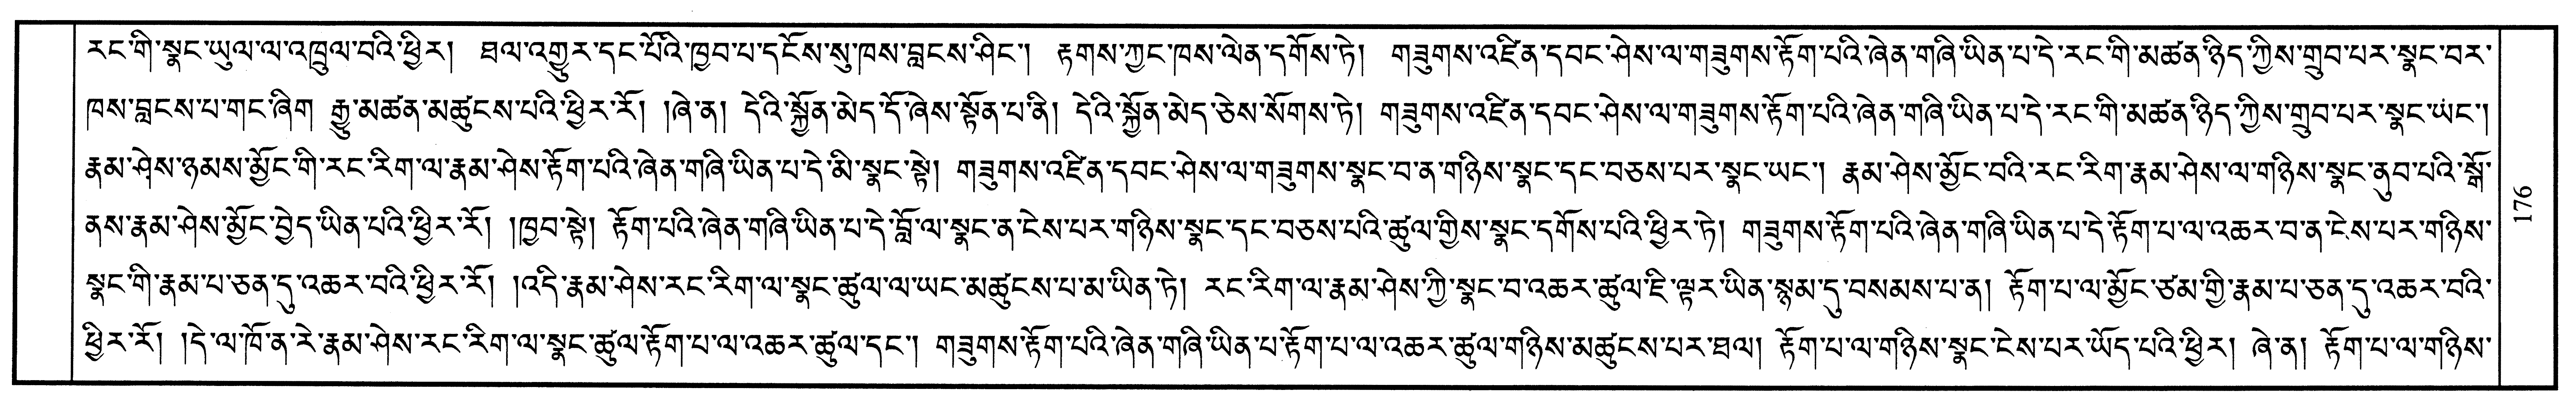རང་གི་སྣང་ཡུལ་ལ་འཁྲུལ་བའི་ཕྱིར། ཐལ་འགྱུར་དང་པོའི་ཁྱབ་པ་དངོས་སུ་ཁས་བླངས་ཤིང་། རྟགས་ཀྱང་ཁས་ལེན་དགོས་ཏེ། གཟུགས་འཛིན་དབང་ཤེས་ལ་གཟུགས་རྟོག་པའི་ཞེན་གཞི་ཡིན་པ་དེ་རང་གི་མཚན་ཉིད་ཀྱིས་གྲུབ་པར་སྣང་བར་
ཁས་བླངས་པ་གང་ཞིག་རྒྱུ་མཚན་མཚུངས་པའི་ཕྱིར་རོ། །ཞེ་ན། དེའི་སྐྱོན་མེད་དོ་ཞེས་སྟོན་པ་ནི། དེའི་སྐྱོན་མེད་ཅེས་སོགས་ཏེ། གཟུགས་འཛིན་དབང་ཤེས་ལ་གཟུགས་རྟོག་པའི་ཞེན་གཞི་ཡིན་པ་དེ་རང་གི་མཚན་ཉིད་ཀྱིས་གྲུབ་པར་སྣང་ཡང་།
རྣམ་ཤེས་ཉམས་མྱོང་གི་རང་རིག་ལ་རྣམ་ཤེས་རྟོག་པའི་ཞེན་གཞི་ཡིན་པ་དེ་མི་སྣང་སྟེ། གཟུགས་འཛིན་དབང་ཤེས་ལ་གཟུགས་སྣང་བ་ན་གཉིས་སྣང་དང་བཅས་པར་སྣང་ཡང་། རྣམ་ཤེས་མྱོང་བའི་རང་རིག་རྣམ་ཤེས་ལ་གཉིས་སྣང་ནུབ་པའི་སྒོ་
ནས་རྣམ་ཤེས་མྱོང་བྱེད་ཡིན་པའི་ཕྱིར་རོ། །ཁྱབ་སྟེ། རྟོག་པའི་ཞེན་གཞི་ཡིན་པ་དེ་བློ་ལ་སྣང་ན་ངེས་པར་གཉིས་སྣང་དང་བཅས་པའི་ཚུལ་གྱིས་སྣང་དགོས་པའི་ཕྱིར་ཏེ། གཟུགས་རྟོག་པའི་ཞེན་གཞི་ཡིན་པ་དེ་རྟོག་པ་ལ་འཆར་བ་ན་ངེས་པར་གཉིས་
སྣང་གི་རྣམ་པ་ཅན་དུ་འཆར་བའི་ཕྱིར་རོ། །འདི་རྣམ་ཤེས་རང་རིག་ལ་སྣང་ཚུལ་ལ་ཡང་མཚུངས་པ་མ་ཡིན་ཏེ། རང་རིག་ལ་རྣམ་ཤེས་ཀྱི་སྣང་བ་འཆར་ཚུལ་ཇི་ལྟར་ཡིན་སྙམ་དུ་བསམས་པ་ན། རྟོག་པ་ལ་མྱོང་ཙམ་གྱི་རྣམ་པ་ཅན་དུ་འཆར་བའི་
ཕྱིར་རོ། །དེ་ལ་ཁོ་ན་རེ་རྣམ་ཤེས་རང་རིག་ལ་སྣང་ཚུལ་རྟོག་པ་ལ་འཆར་ཚུལ་དང་། གཟུགས་རྟོག་པའི་ཞེན་གཞི་ཡིན་པ་རྟོག་པ་ལ་འཆར་ཚུལ་གཉིས་མཚུངས་པར་ཐལ། རྟོག་པ་ལ་གཉིས་སྣང་ངེས་པར་ཡོད་པའི་ཕྱིར། ཞེ་ན། རྟོག་པ་ལ་གཉིས་